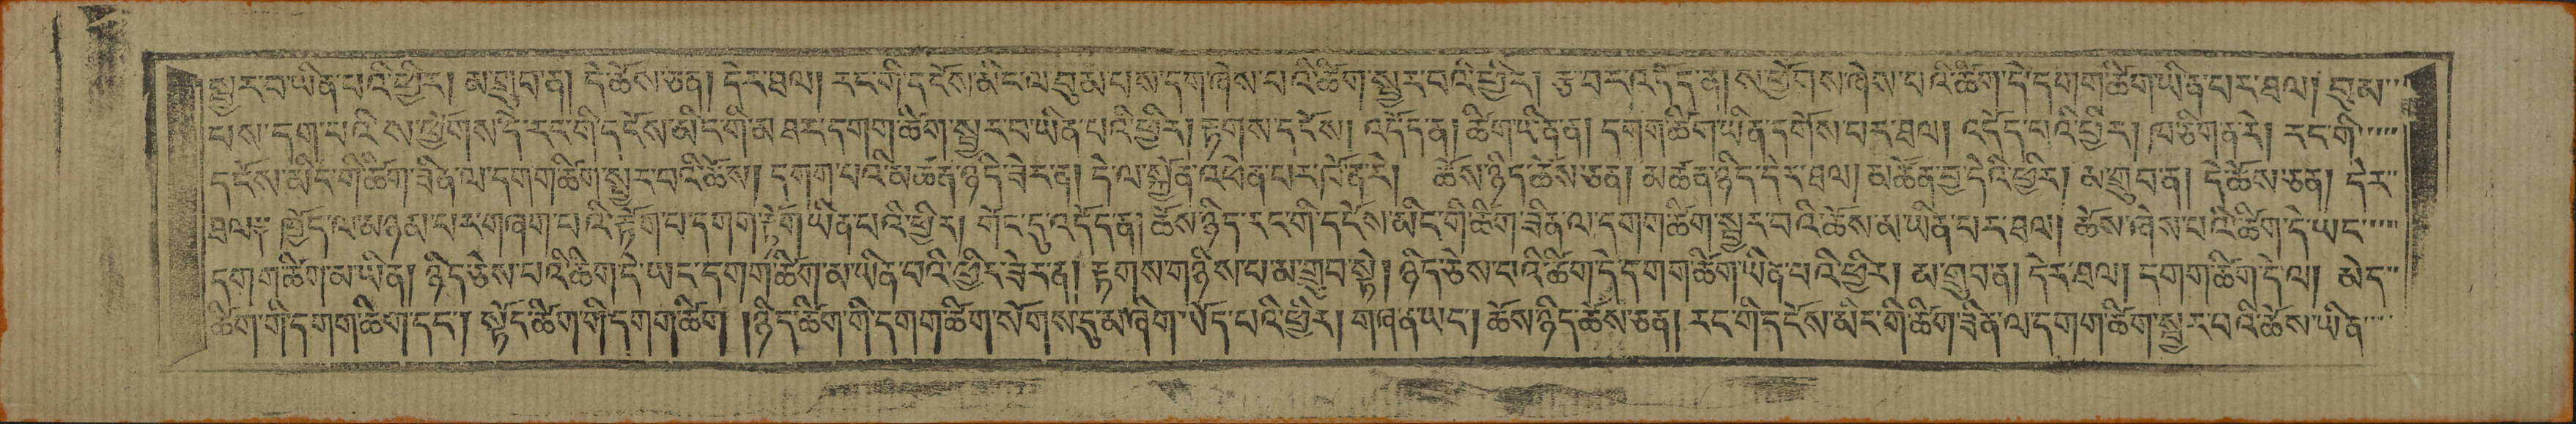སྦྱར་བ་ཡིན་པའི་ཕྱིར། མ་གྲུབ་ན། དེ་ཆོས་ཅན། དེར་ཐལ། རང་གི་དངོས་མིང་ལ་བུམ་པས་དག་ཞེས་པའི་ཚིག་སྦྱར་བའི་ཕྱིར། རྩ་བར་འདོད་ན། ས་ཕྱོགས་ཞེས་པའི་ཚིག་དེ་དགག་ཚིག་ཡིན་པར་ཐལ། བུམ་
པས་དག་པའི་ས་ཕྱོགས་དེ་རང་གི་དངོས་མིང་གི་མཐར་དགག་ཚིག་སྦྱར་བ་ཡིན་པའི་ཕྱིར། རྟགས་དངོས། འདོད་ན། ཚིག་ཡིན་ན། དགག་ཚིག་ཡིན་དགོས་པར་ཐལ། འདོད་པའི་ཕྱིར། ཁ་ཅིག་ན་རེ། རང་གི་
དངོས་མིང་གི་ཚིག་ཟིན་ལ་དགག་ཚིག་སྦྱར་བའི་མཚན་ཉིད་ཟེར་ན། དེ་ལ་སྐྱོན་འཕེན་པར་ཁོ་ན་རེ། ཆོས་ཉིད་ཆོས་ཅན། མཚན་ཉིད་དེར་ཐལ། མཚོན་བྱ་དེའི་ཕྱིར། མ་གྲུབ་ན། དེ་ཆོས་ཅན། དེར་
ཐལ༑ ཁྱོད་ལ་མཉམ་པར་གཞག་པའི་རྟོག་པ་དགག་རྟོག་ཡིན་པའི་ཕྱིར། གོང་དུ་འདོད་ན། ཆོས་ཉིད་རང་གི་དངོས་མིང་གི་ཚིག་ཟིན་ལ་དགག་ཚིག་སྦྱར་བའི་ཆོས་མ་ཡིན་པར་ཐལ། ཆོས་ཞེས་པའི་ཚིག་དེ་ཡང་
དགག་ཚིག་མ་ཡིན། ཉིད་ཅེས་པའི་ཆིག་དེ་ཡང་དགག་ཚིག་མ་ཡིན་པའི་ཕྱིར་ཟེར་ན། རྟགས་གཉིས་པ་མ་གྲུབ་སྟེ། ཉིད་ཅེས་པའི་ཚིག་དེ་དགག་ཚིག་ཡིན་པའི་ཕྱིར། མ་གྲུབ་ན། དེར་ཐལ། དགག་ཚིག་དེ་ལ། མེད་
ཚིག་གི་དགག་ཆིག་དང་། སྟོང་ཚིག་གི་དགག་ཚིག །ཉིད་ཚིག་གི་དགག་ཚིག་སོགས་དུ་མ་ཞིག་ཡོད་པའི་ཕྱིར། གཞན་ཡང་། ཆོས་ཉིད་ཆོས་ཅན། རང་གི་དངོས་མིང་གི་ཚིག་ཟིན་ལ་དགག་ཚིག་སྦྱར་བའི་ཆོས་ཡིན་